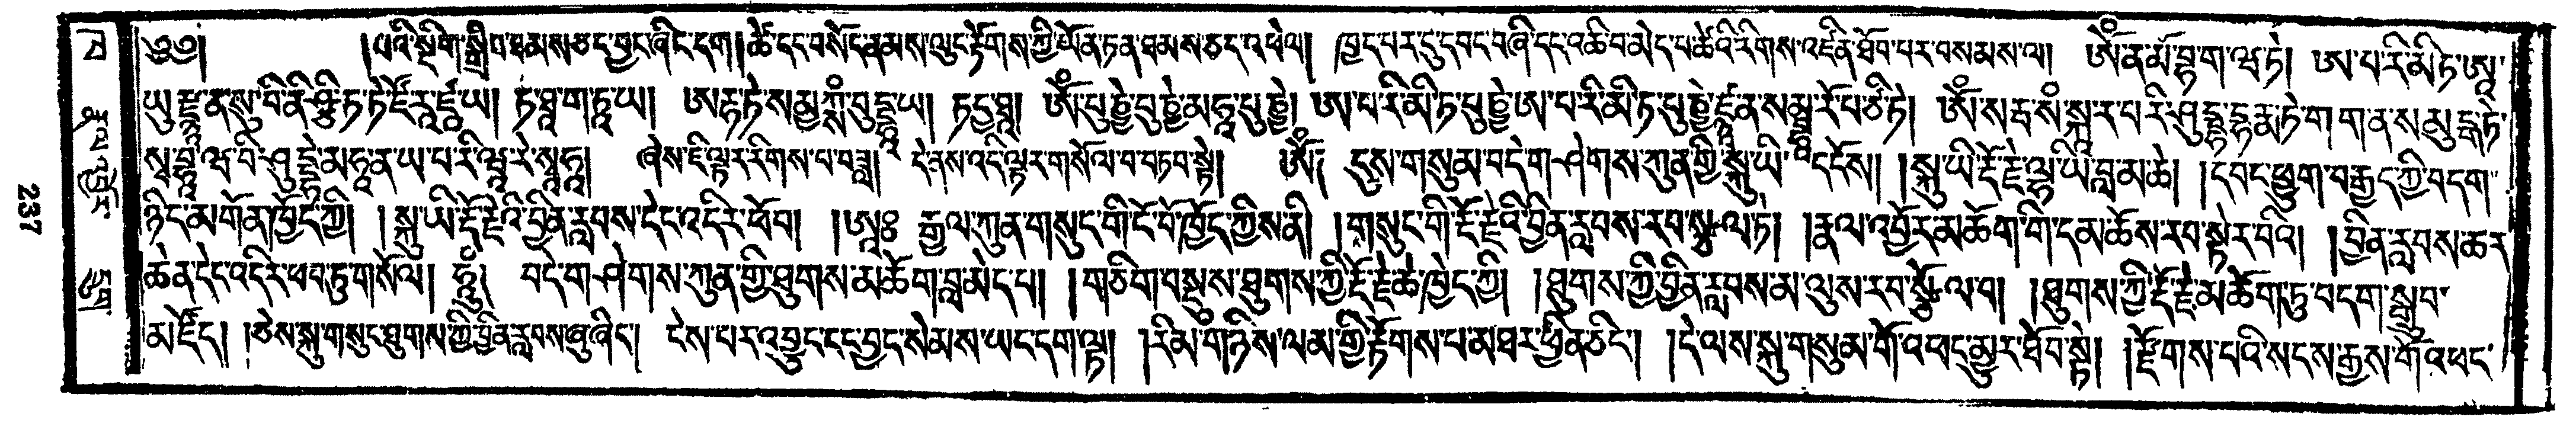༄༅། །པའི་སྡིག་སྒྲིབ་ཐམས་ཅད་བྱང་ཞིང་དག །ཚེ་དང་བསོད་ནམས་ལུང་རྟོགས་ཀྱི་ཡོན་ཏན་ཐམས་ཅད་འཕེལ། ཁྱད་པར་དུ་དབང་བཞི་དང་འཆི་བ་མེད་པ་ཚེའི་རིགས་འཛིན་ཐོབ་པར་བསམས་ལ། ཨོཾ་ན་མོ་བྷ་ག་ཝ་ཏེ། ཨ་པ་རི་མི་ཏ་ཨཱ་
ཡུརྫྙཱ་ན་སུ་བི་ནི་ཤྩི་ཏ་ཏེ་ཛོ་རཱ་ཛཱ་ཡ། ཏ་ཐཱ་ག་ཏཱ་ཡ། ཨརྷ་ཏེ་སམྱ་ཀསཾ་བུདྡྷཱ་ཡ། ཏདྱ་ཐཱ། ཨོཾ་པུཎྱེ་པུཎྱེ། མྷཱ་པུཎྱེ། ཨ་པ་རི་མི་ཏ་པུཎྱེ་ཨ་པ་རི་མི་ཏ་པུཎྱེ་ཛྙཱ་ན་སམྦྷཱ་རོ་པ་ཙི་ཏེ། ཨོཾ་སརྦ་སཾ་སྐཱ་ར་པ་རི་ཤུདྡྷ་དྷརྨ་ཏེ་ག་ག་ན་ས་མུངྒ་ཏེ་
སྭ་བྷཱ་ཝ་བི་ཤུདྡྷེ་མཧཱ་ན་ཡ་པ་རི་ཝཱ་རེ་སྭཱ་ཧཱ། ཞེས་ཇི་ལྟར་རིགས་པ་བཟླ། དེ་ནས་འདི་ལྟར་གསོལ་བ་བཏབ་སྟེ། ཨོཾ༑ དུས་གསུམ་བདེ་གཤེགས་ཀུན་གྱི་སྐུ་ཡི་དངོས། །སྐུ་ཡི་རྡོ་རྗེ་ལྷ་ཡི་བླ་མ་ཆེ། །དབང་ཕྱུག་བརྒྱད་ཀྱི་བདག་
ཉིད་མགོན་ཁྱོད་ཀྱི། །སྐུ་ཡི་རྡོ་རྗེའི་བྱིན་རླབས་དེང་འདིར་ཕོབ། །ཨཱཿ རྒྱལ་ཀུན་གསུང་གི་ངོ་བོ་ཁྱོད་ཀྱིས་ནི། །གསུང་གི་རྡོ་རྗེའི་བྱིན་རླབས་རབ་སྩལ་ཏེ། །རྣལ་འབྱོར་མཆོག་གི་དམ་ཆོས་རབ་སྟེར་བའི། །བྱིན་རླབས་ཆར་
ཆེན་དེང་འདིར་ཕབ་ཏུ་གསོལ། ཧཱུཾ༑ བདེ་གཤེགས་ཀུན་གྱི་ཐུགས་མཆོག་བླ་མེད་པ། །གཅིག་བསྡུས་ཐུགས་ཀྱི་རྡོ་རྗེ་ཆེ་ཁྱེད་ཀྱི། །ཐུགས་ཀྱི་བྱིན་རླབས་མ་ལུས་རབ་སྩོལ་བ། །ཐུགས་ཀྱི་རྡོ་རྗེ་མཆོག་ཏུ་བདག་སྒྲུབ་
མཛོད། །ཅེས་སྐུ་གསུང་ཐུགས་ཀྱི་བྱིན་རླབས་ཞུ་ཞིང་། ངེས་པར་འབྱུང་དང་བྱང་སེམས་ཡང་དག་ལྟ། །རིམ་གཉིས་ལམ་གྱི་རྟོགས་པ་མཐར་ཕྱིན་ཅིང་། །དེ་ལས་སྐུ་གསུམ་གོ་འཕང་མྱུར་ཐོབ་སྟེ། །རྫོགས་པའི་སངས་རྒྱས་གོ་འཕང་